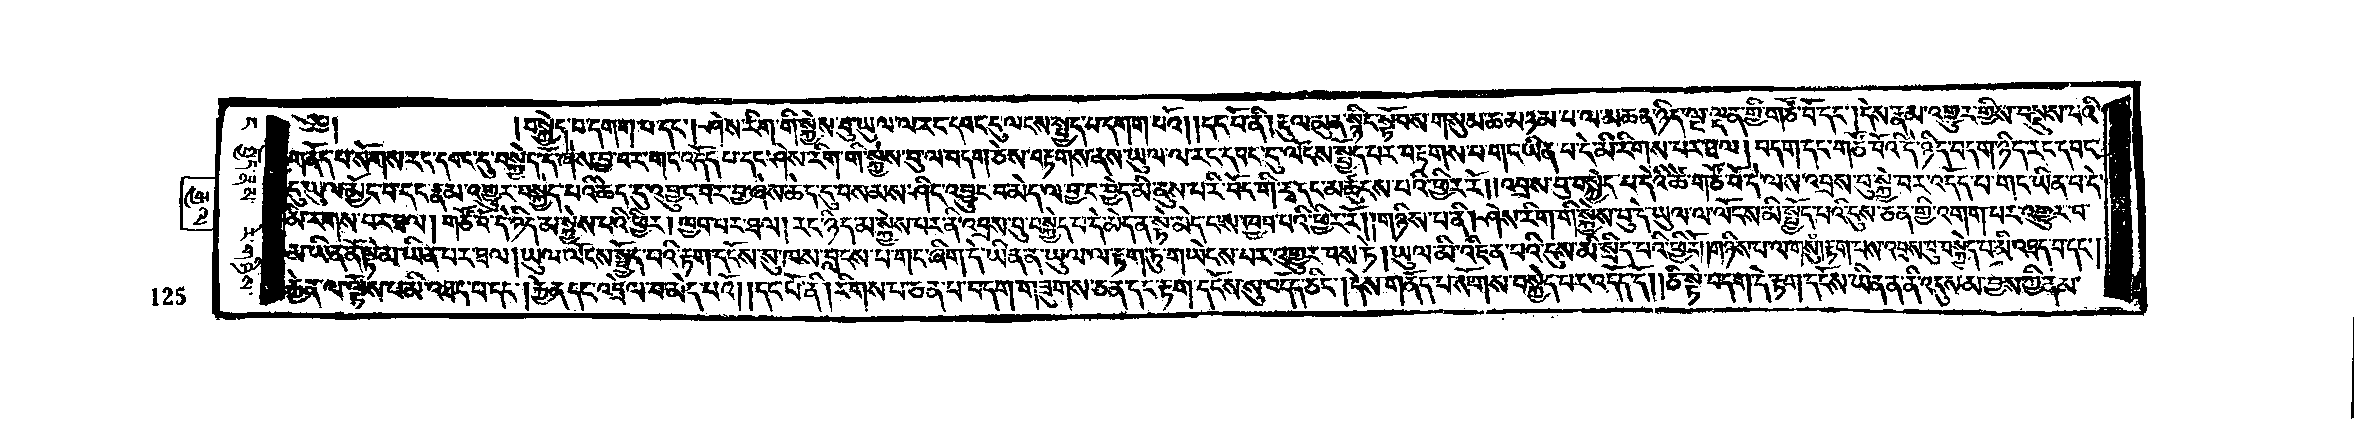༄༅། །བསྐྱེད་པ་དགག་པ་དང་། ཤེས་རིག་གི་སྐྱེས་བུ་ཡུལ་ལ་རང་དབང་དུ་ལངས་སྤྱོད་པ་དགག་པའོ། །དང་པོ་ནི། རྡུལ་མུན་སྙིང་སྟོབས་གསུམ་ཆ་མཉམ་པ་ལ་མཚན་ཉིད་ལྔ་ལྡན་གྱི་གཙོ་བོ་དང་། དེས་རྣམ་འགྱུར་གྱིས་བསྡུས་པའི་
གནོད་པ་སོགས་རང་དབང་དུ་བསྐྱེད་དོ་ཞེས་བྱ་བར་གང་འདོད་པ་དང་ཤེས་རིག་གི་སྐྱེས་བུ་ལ་བདག་ཅེས་བརྟགས་ནས་ཡུལ་ལ་རང་དབང་དུ་ལོངས་སྤྱོད་པར་བརྟགས་པ་གང་ཡིན་པ་དེ་མི་རིགས་པར་ཐལ། བདག་དང་གཙོ་བོའི་དེ་ཉིད་བདག་ཉིད་རང་དབང་
དུ་ཡུལ་མྱོང་བ་དང་རྣམ་འགྱུར་བསྐྱེད་པའི་ཆེད་དུ་འབྱུང་བར་བྱ་ཞེས་ཆེད་དུ་བསམས་ཤིང་འབྱུང་བ་མེད་ལ་བྱ་བ་བྱེད་མི་ནུས་པ་རི་བོང་གི་རྭ་དང་མཚུངས་པའི་ཕྱིར་རོ། །འདྲས་བུ་བསྐྱེད་པ་དེའི་ཚེ་གཙོ་བོ་དེ་ལས་འབྲས་བུ་སྐྱེ་བར་འདོད་པ་གང་ཡིན་པ་དེ་
མི་རིགས་པར་ཐལ། གཙོ་བོ་དེ་ཉིད་མ་སྐྱེས་པའི་ཕྱིར། ཁྱབ་པར་ཐལ། རང་ཉིད་མ་སྐྱེས་པར་ནི་འབྲས་བུ་བསྐྱེད་པ་དེ་མེད་ན་སྟེ་མེད་པས་ཁྱབ་པའི་ཕྱིར་རོ། །གཉིས་པ་ནི། ཤེས་རིག་གི་སྐྱེས་བུ་དེ་ཡུལ་ལ་ལོངས་མི་སྤྱོད་པའི་དུས་ཅན་གྱི་འགག་པར་འགྱུར་བ་
མ་ཡིན་ནོ་སྟེ་མ་ཡིན་པར་ཐལ། ཡུལ་ལོངས་སྤྱོད་པའི་རྟག་དངོས་སུ་ཁས་བླངས་པ་གང་ཞིག་དེ་ཡིན་ན་ཡུལ་ལ་རྟག་ཏུ་གཡེངས་པར་འགྱུར་བས་ཏེ། ཡུལ་མི་འཛིན་པའི་དུས་མི་སྲིད་པའི་ཕྱིར་རོ། །གཉིས་པ་ལ་གསུམ། རྟག་པས་འབྲས་བུ་བསྐྱེད་པ་མི་འཐད་པ་དང་།
རྐྱེན་ལ་ལྟོས་པ་མི་འཐད་པ་དང་། རྐྱེན་དང་འབྲེལ་པ་མེད་པའོ། །དང་པོ་ནི། རིགས་པ་ཅན་པ་བདག་གཟུགས་ཅན་དང་རྟག་དངོས་སུ་འདོད་ཅིང་། དེས་གནོད་པ་སོགས་བསྐྱེད་པར་འདོད་དོ། །ཅི་སྟེ་བདག་དེ་རྟག་དངོས་ཡིན་ན་ནི་འདུས་མ་བྱས་ཀྱི་ནམ་